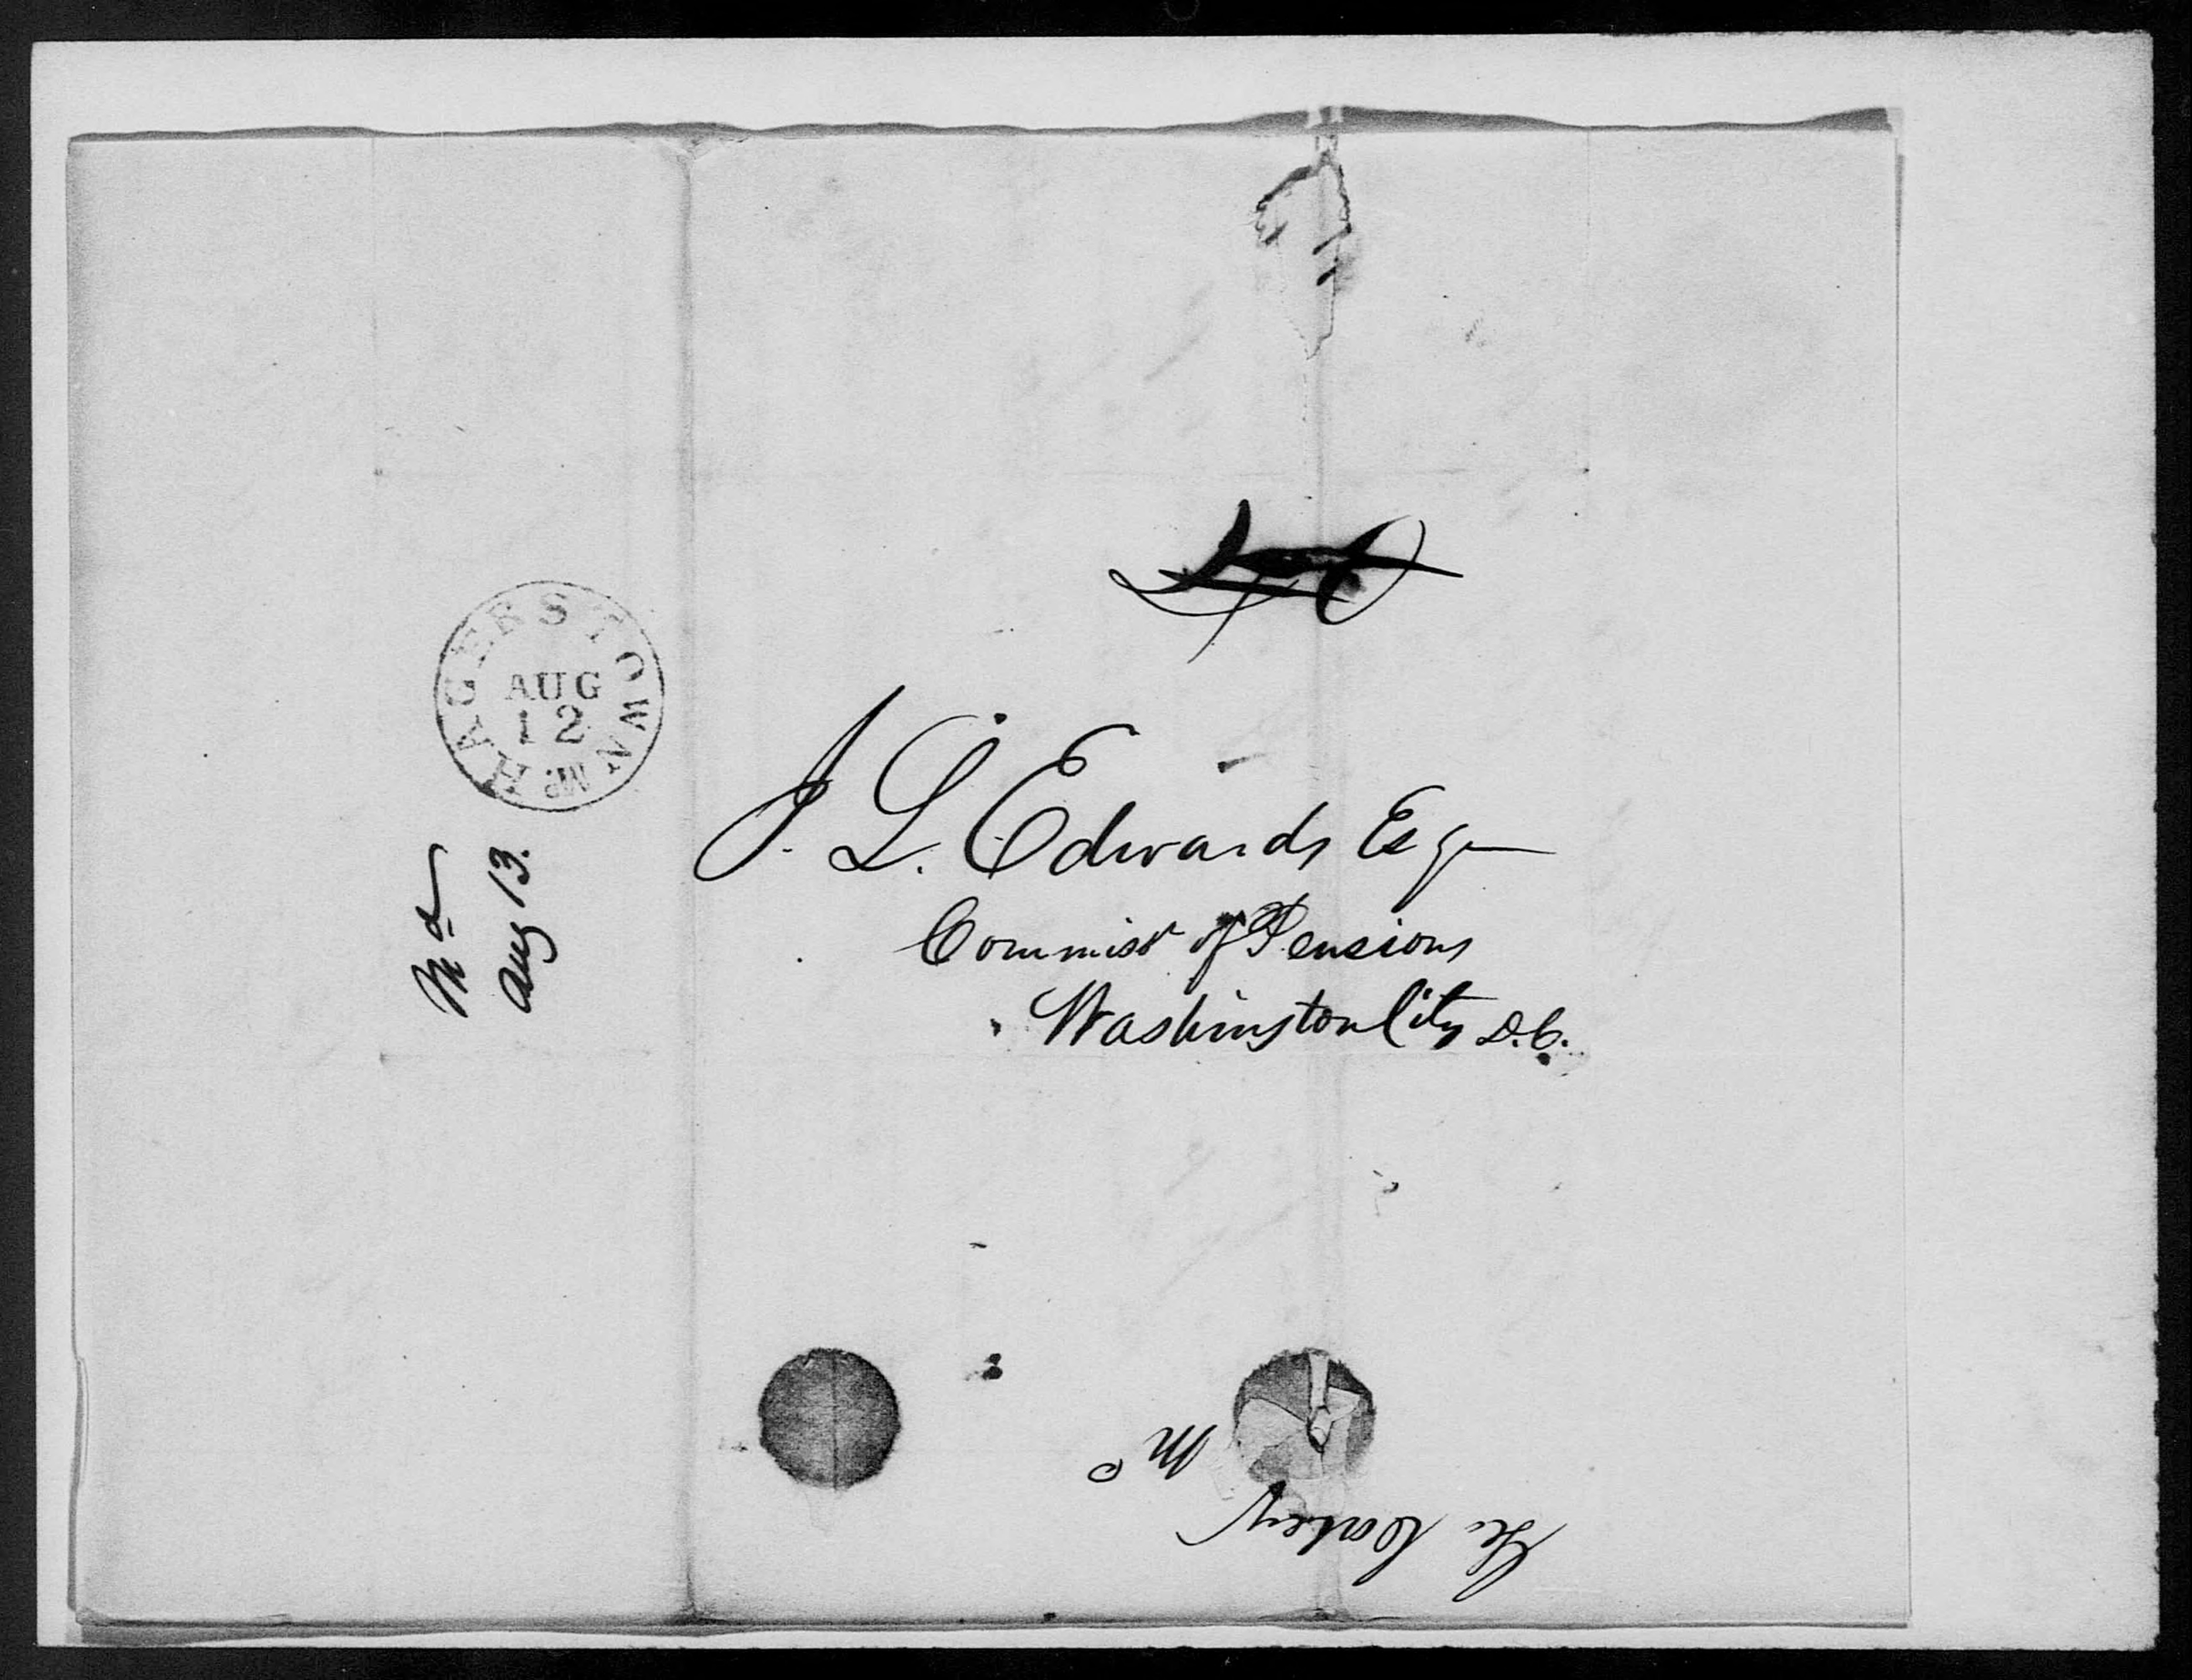[black circle stamp: HAGERSTOWN MD
AUG 12]
J. L. Edwards Esq
Commionr of Pensions
Washington City D. C.

[vertically next to the black circle stamp above: Md. Aug 13.]

[upside down at the bottom of the page: Geo Corley Md]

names: Geo Corley, J L Edwards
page: 11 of 22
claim: survivor's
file: S. 9,199, George Corley, Md.